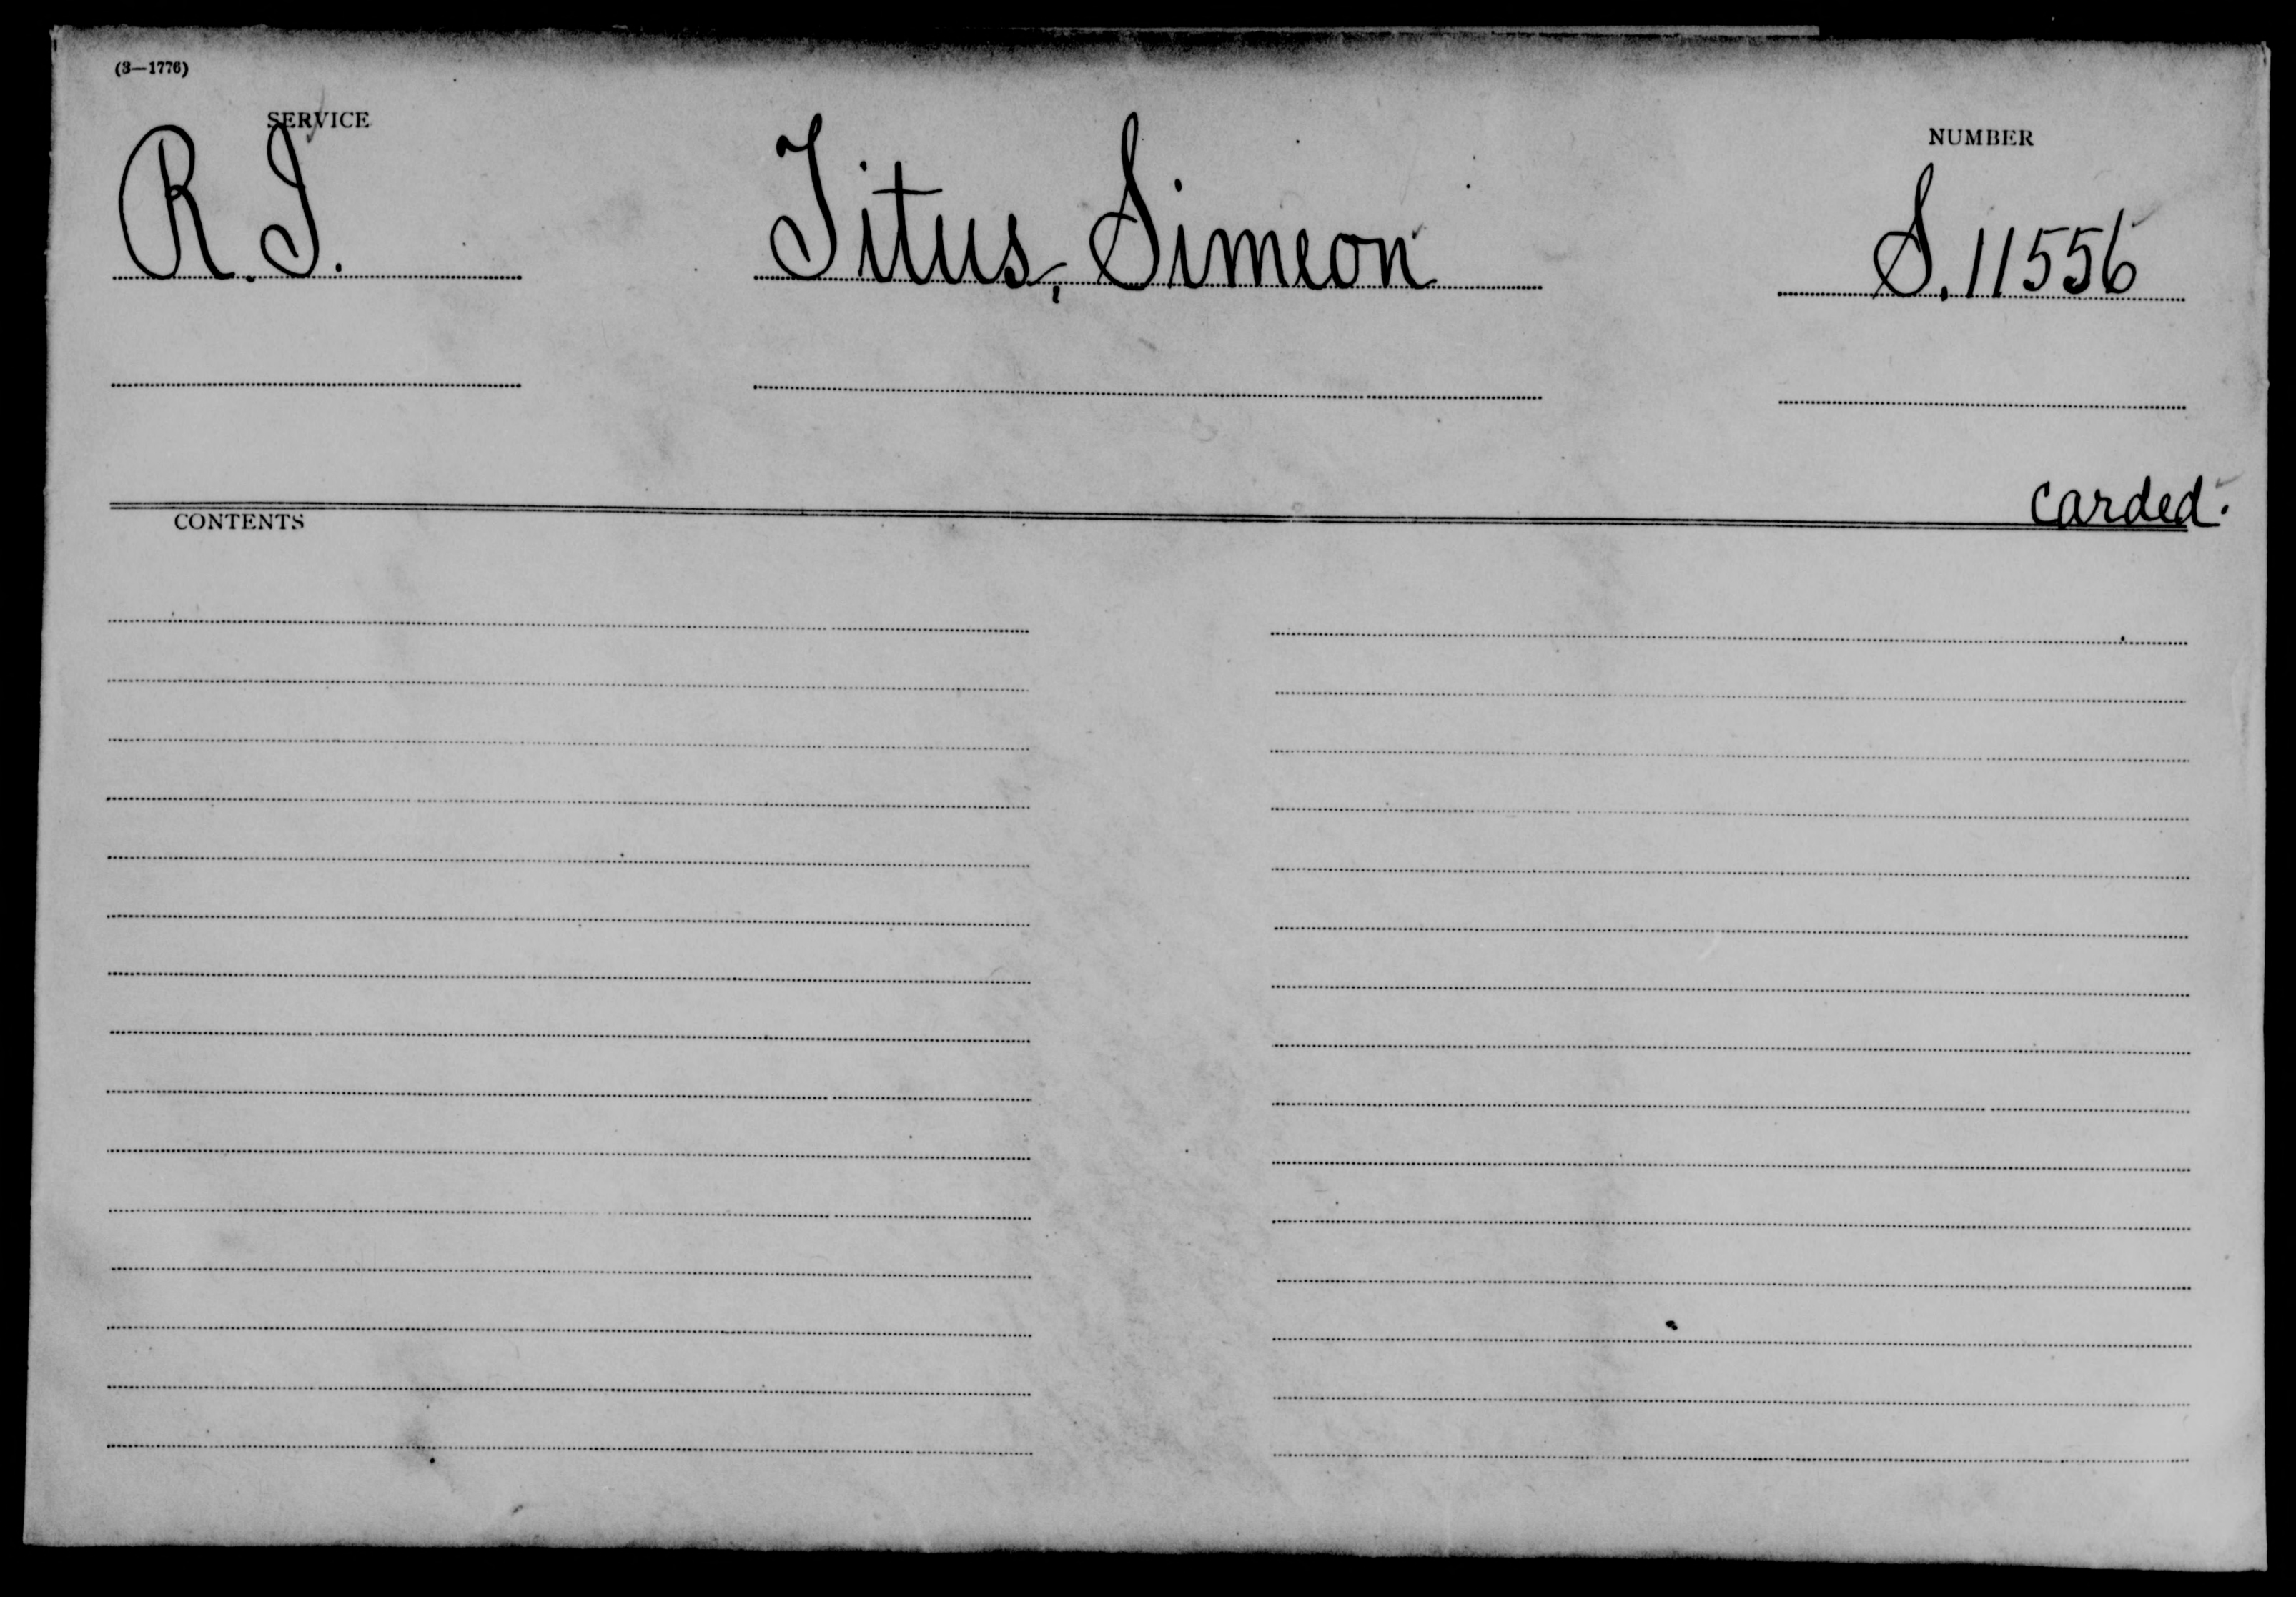SERVICE
R.I.

Titus, Simeon

NUMBER
S. 11556

carded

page: 1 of 74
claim: survivor's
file: S. 11556, for Simeon Titus, Rhode Island